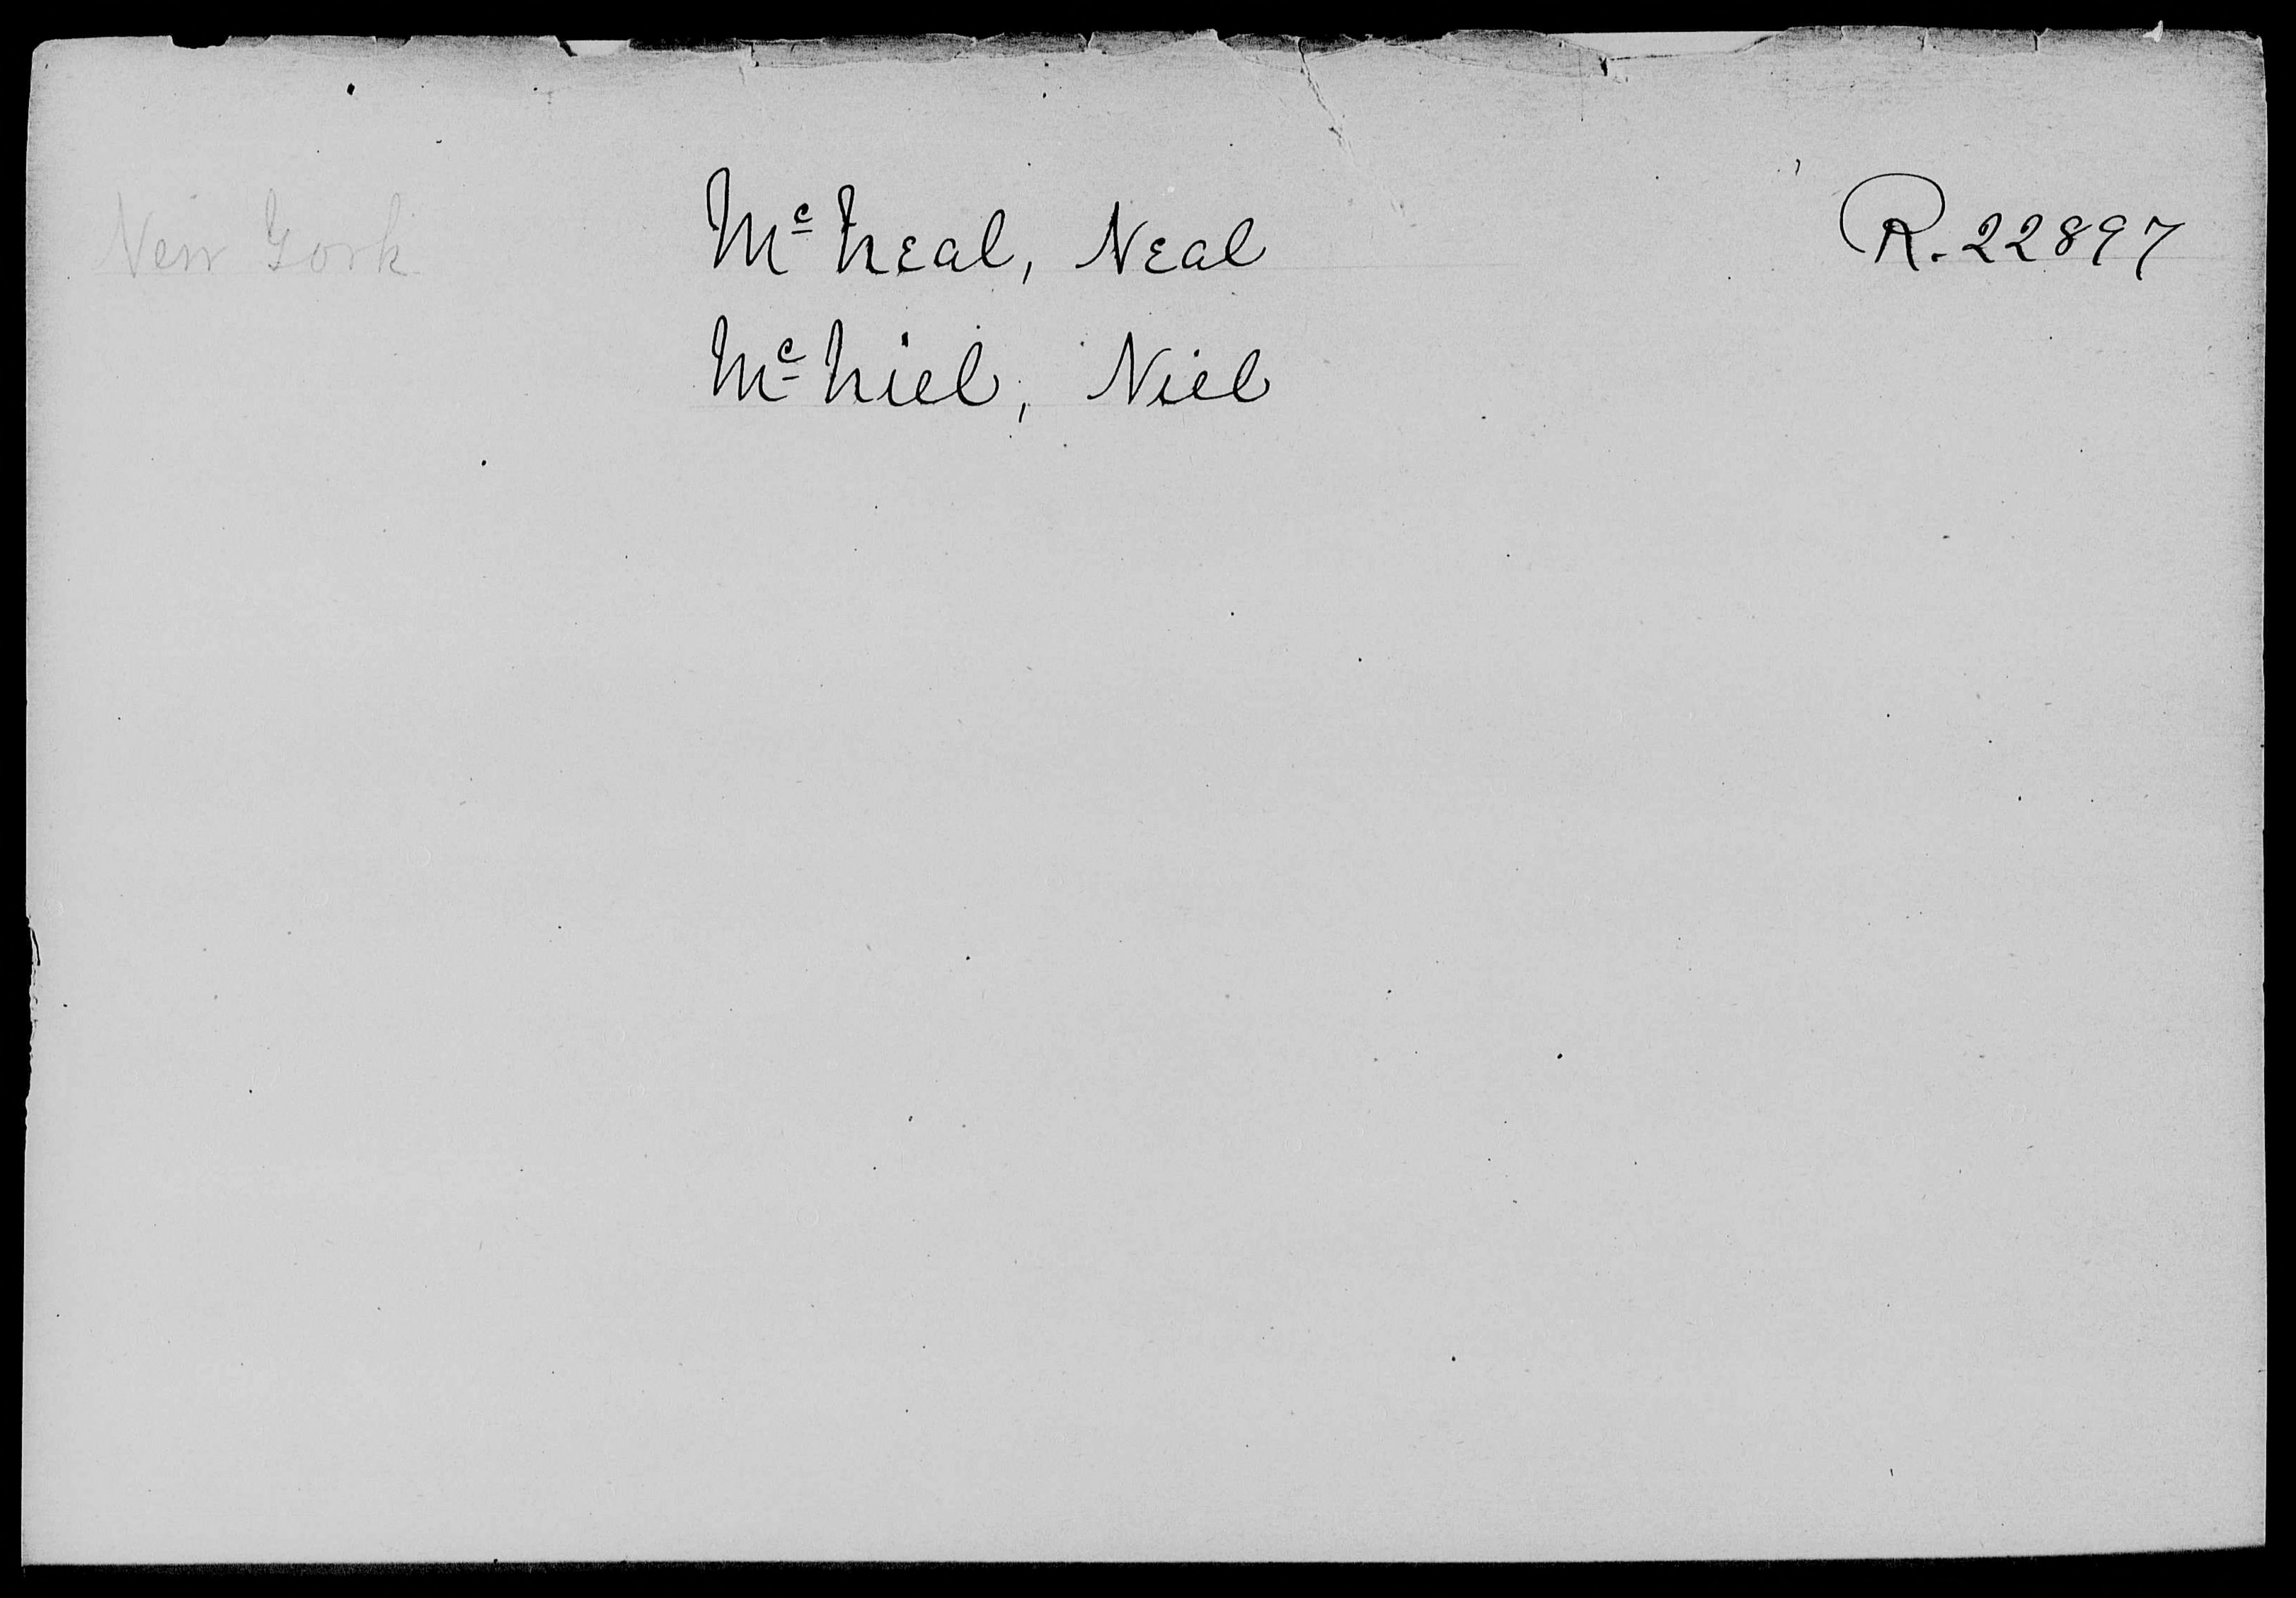McNeal, Neal
McNiel, Niel

R.22897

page: 1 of 2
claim: rejected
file: R. 22897, for Neal Mc Neal, New York